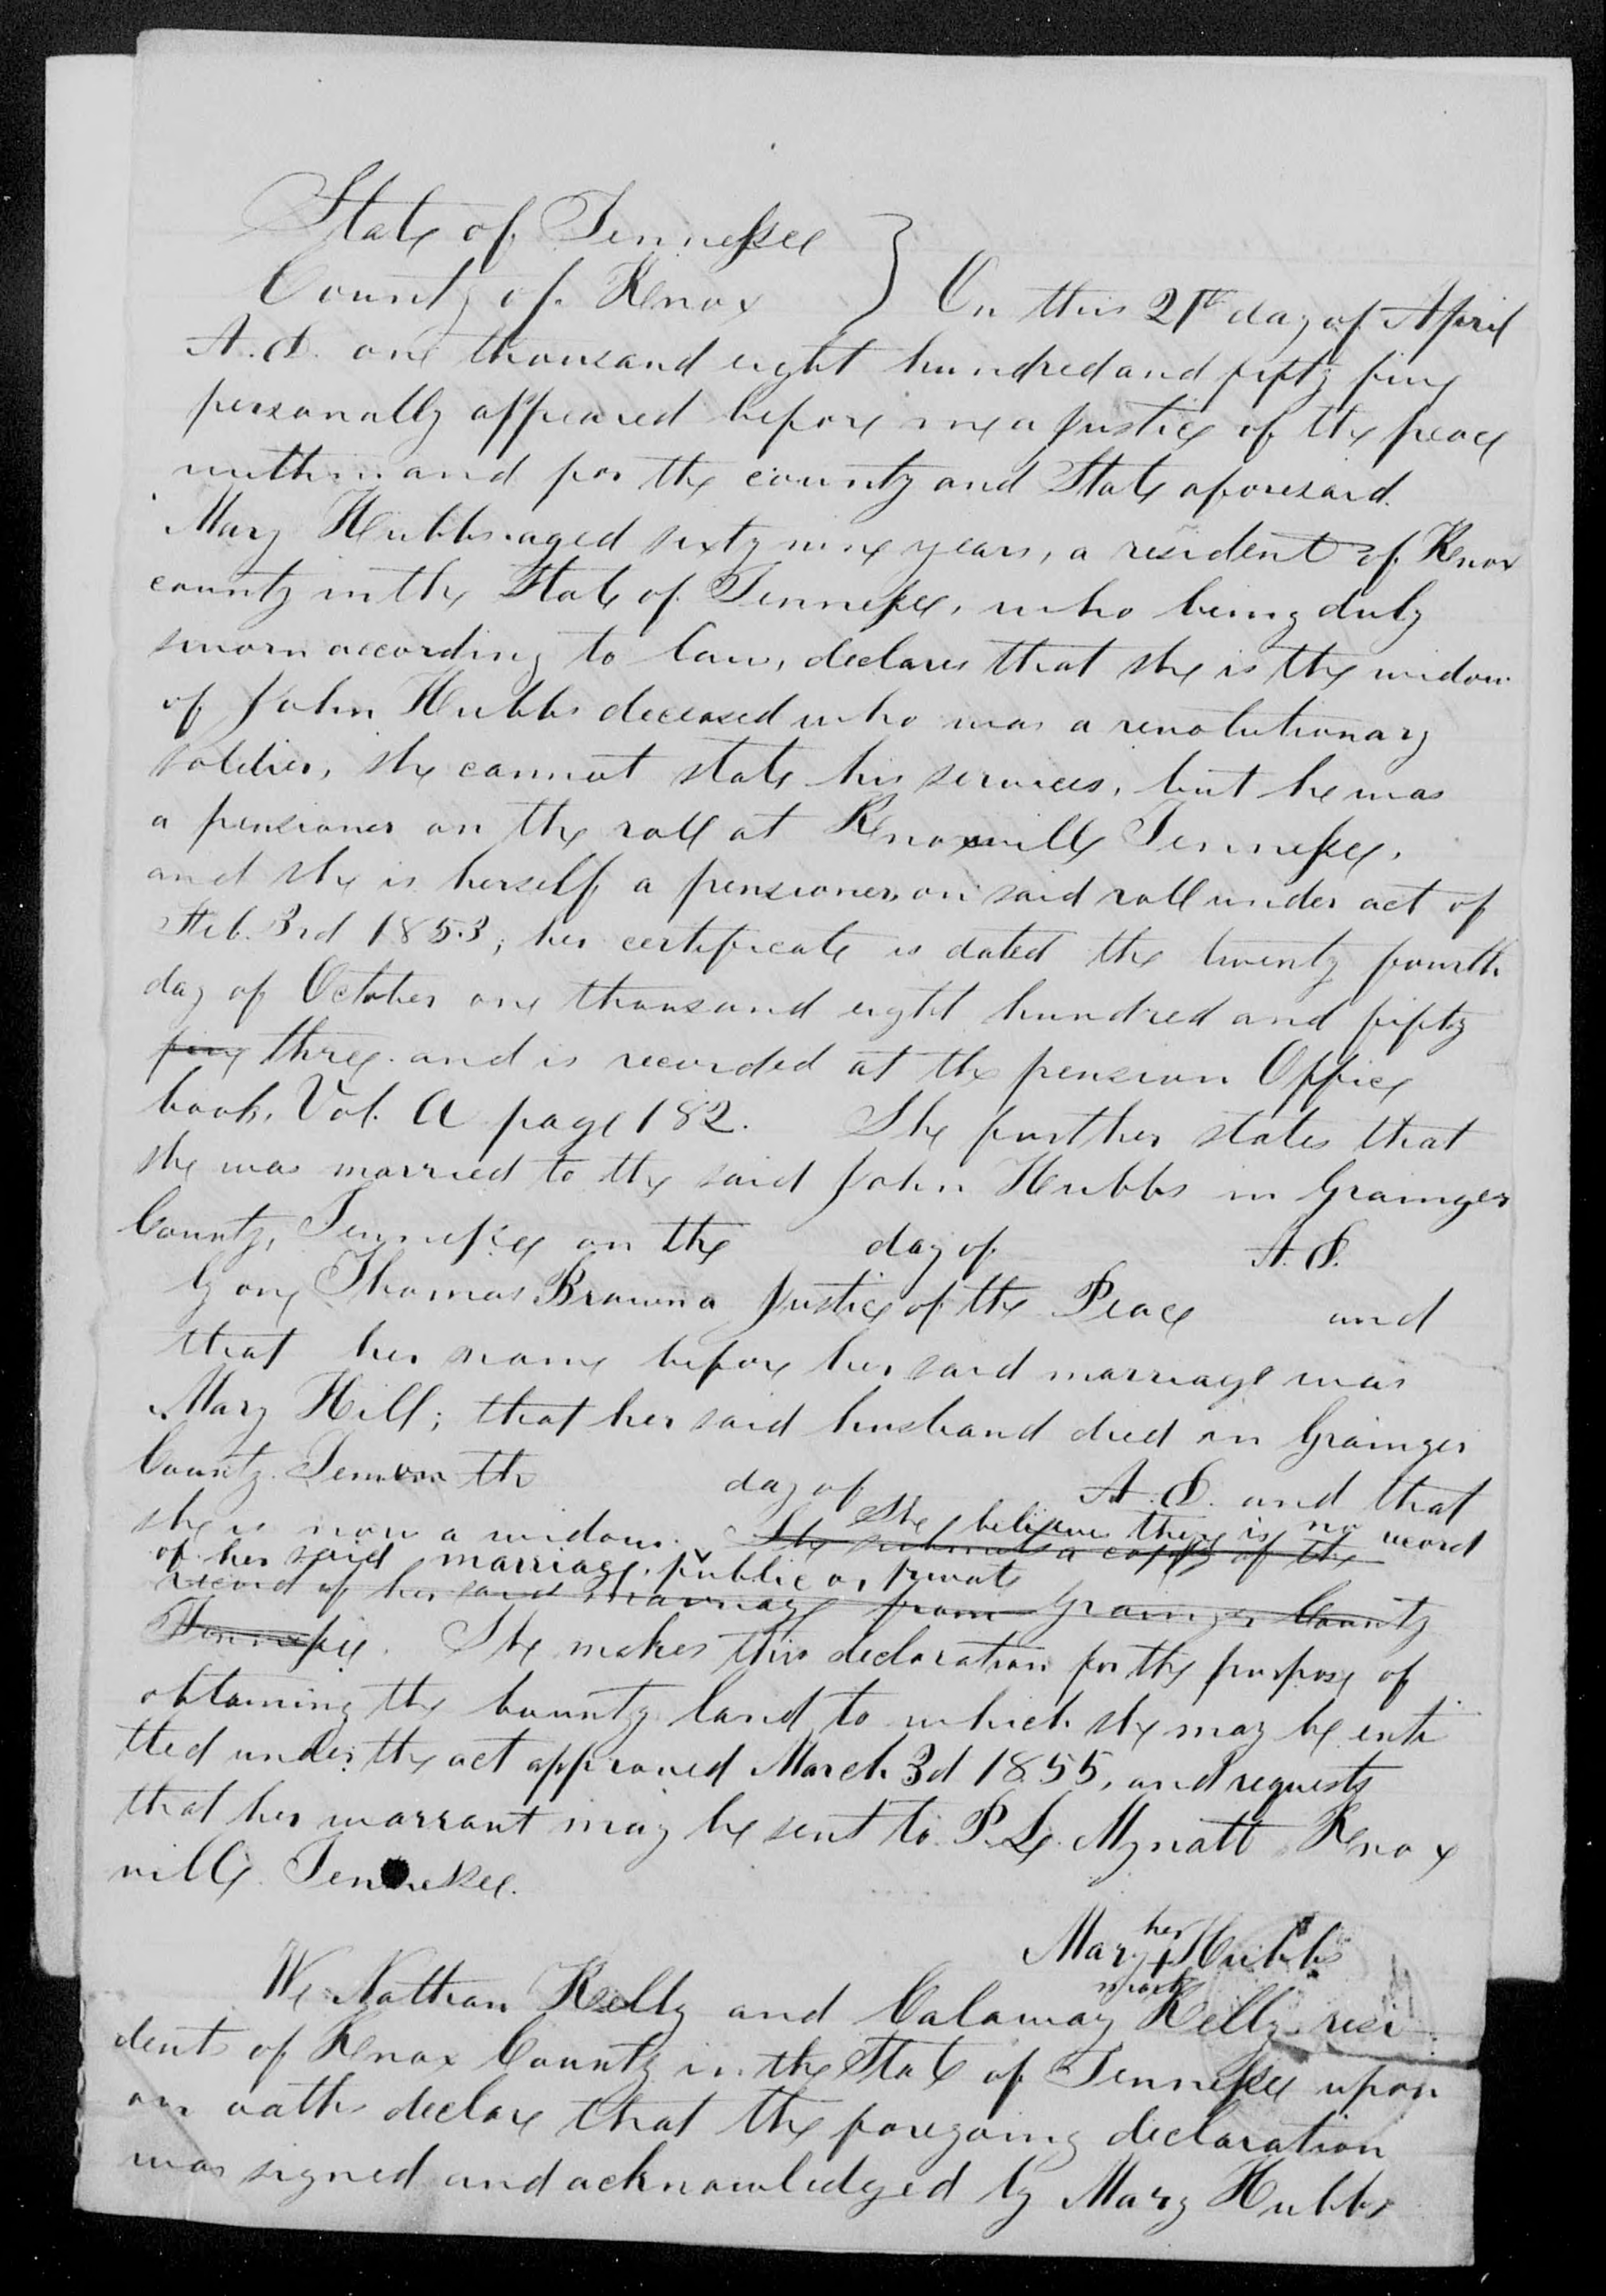State of Tennessee
Court of Knox

On this 21st day of April
A.D. one thousand eight hundred and fifty five personally appeared before me a Justice of the peace within and for the County and State aforesaid Mary Hubb aged Sixty nine years, a resident of Knox County in the State of Tennessee, who being duly sworn according to law, declares that she is the widow of John Hubbs deceased who was a revolutionary
Soldier, she cannot state his services, but he was
pensioner on the roll at Knoxville Tennessee, and she is herself a pensioner on said roll under act of Feb 3rd 1853, her certificate is dated the twenty fourth day of October one thousand eight hundred and fifty three and is recorded at the pension Office book, Vol A page 182. She further states that she was married to the said John Hubbs in Grainger County, Tennessee on the ___ day of ____ A.D. by one Thomas Brown a Justice of the Peace and that her name before her said marriage was Mry Hill; that her said husband died in Grainger County, Tennessee the ___ day of ____ A.D. and that she is now a widow of her said marriage, public or private. She believes there is no word. (Crossed out - She submits a copy of the record of her said marriage from Grainger County Tennessee.) She makes this declaration for the purpose of obtaining the bounty land, to which she may be entitled under the act appraised March 3d 1855, and requests that her warrant may be sent to P.S. Mynatt Knoxville Tennessee.
Her mark - Mary Hubbs
We, Nathan Kelly and Calaway Kelly residents of Knox County in the State of Tennessee upon our oath declare that the foregoing declaration was signed and acknowledged by Mary Hubbs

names: Mary Hill, Mary Hubbs, John Hubbs, Thomas Brown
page: 21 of 86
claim: widow's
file: W. 1035, John Hubbs, S.C.